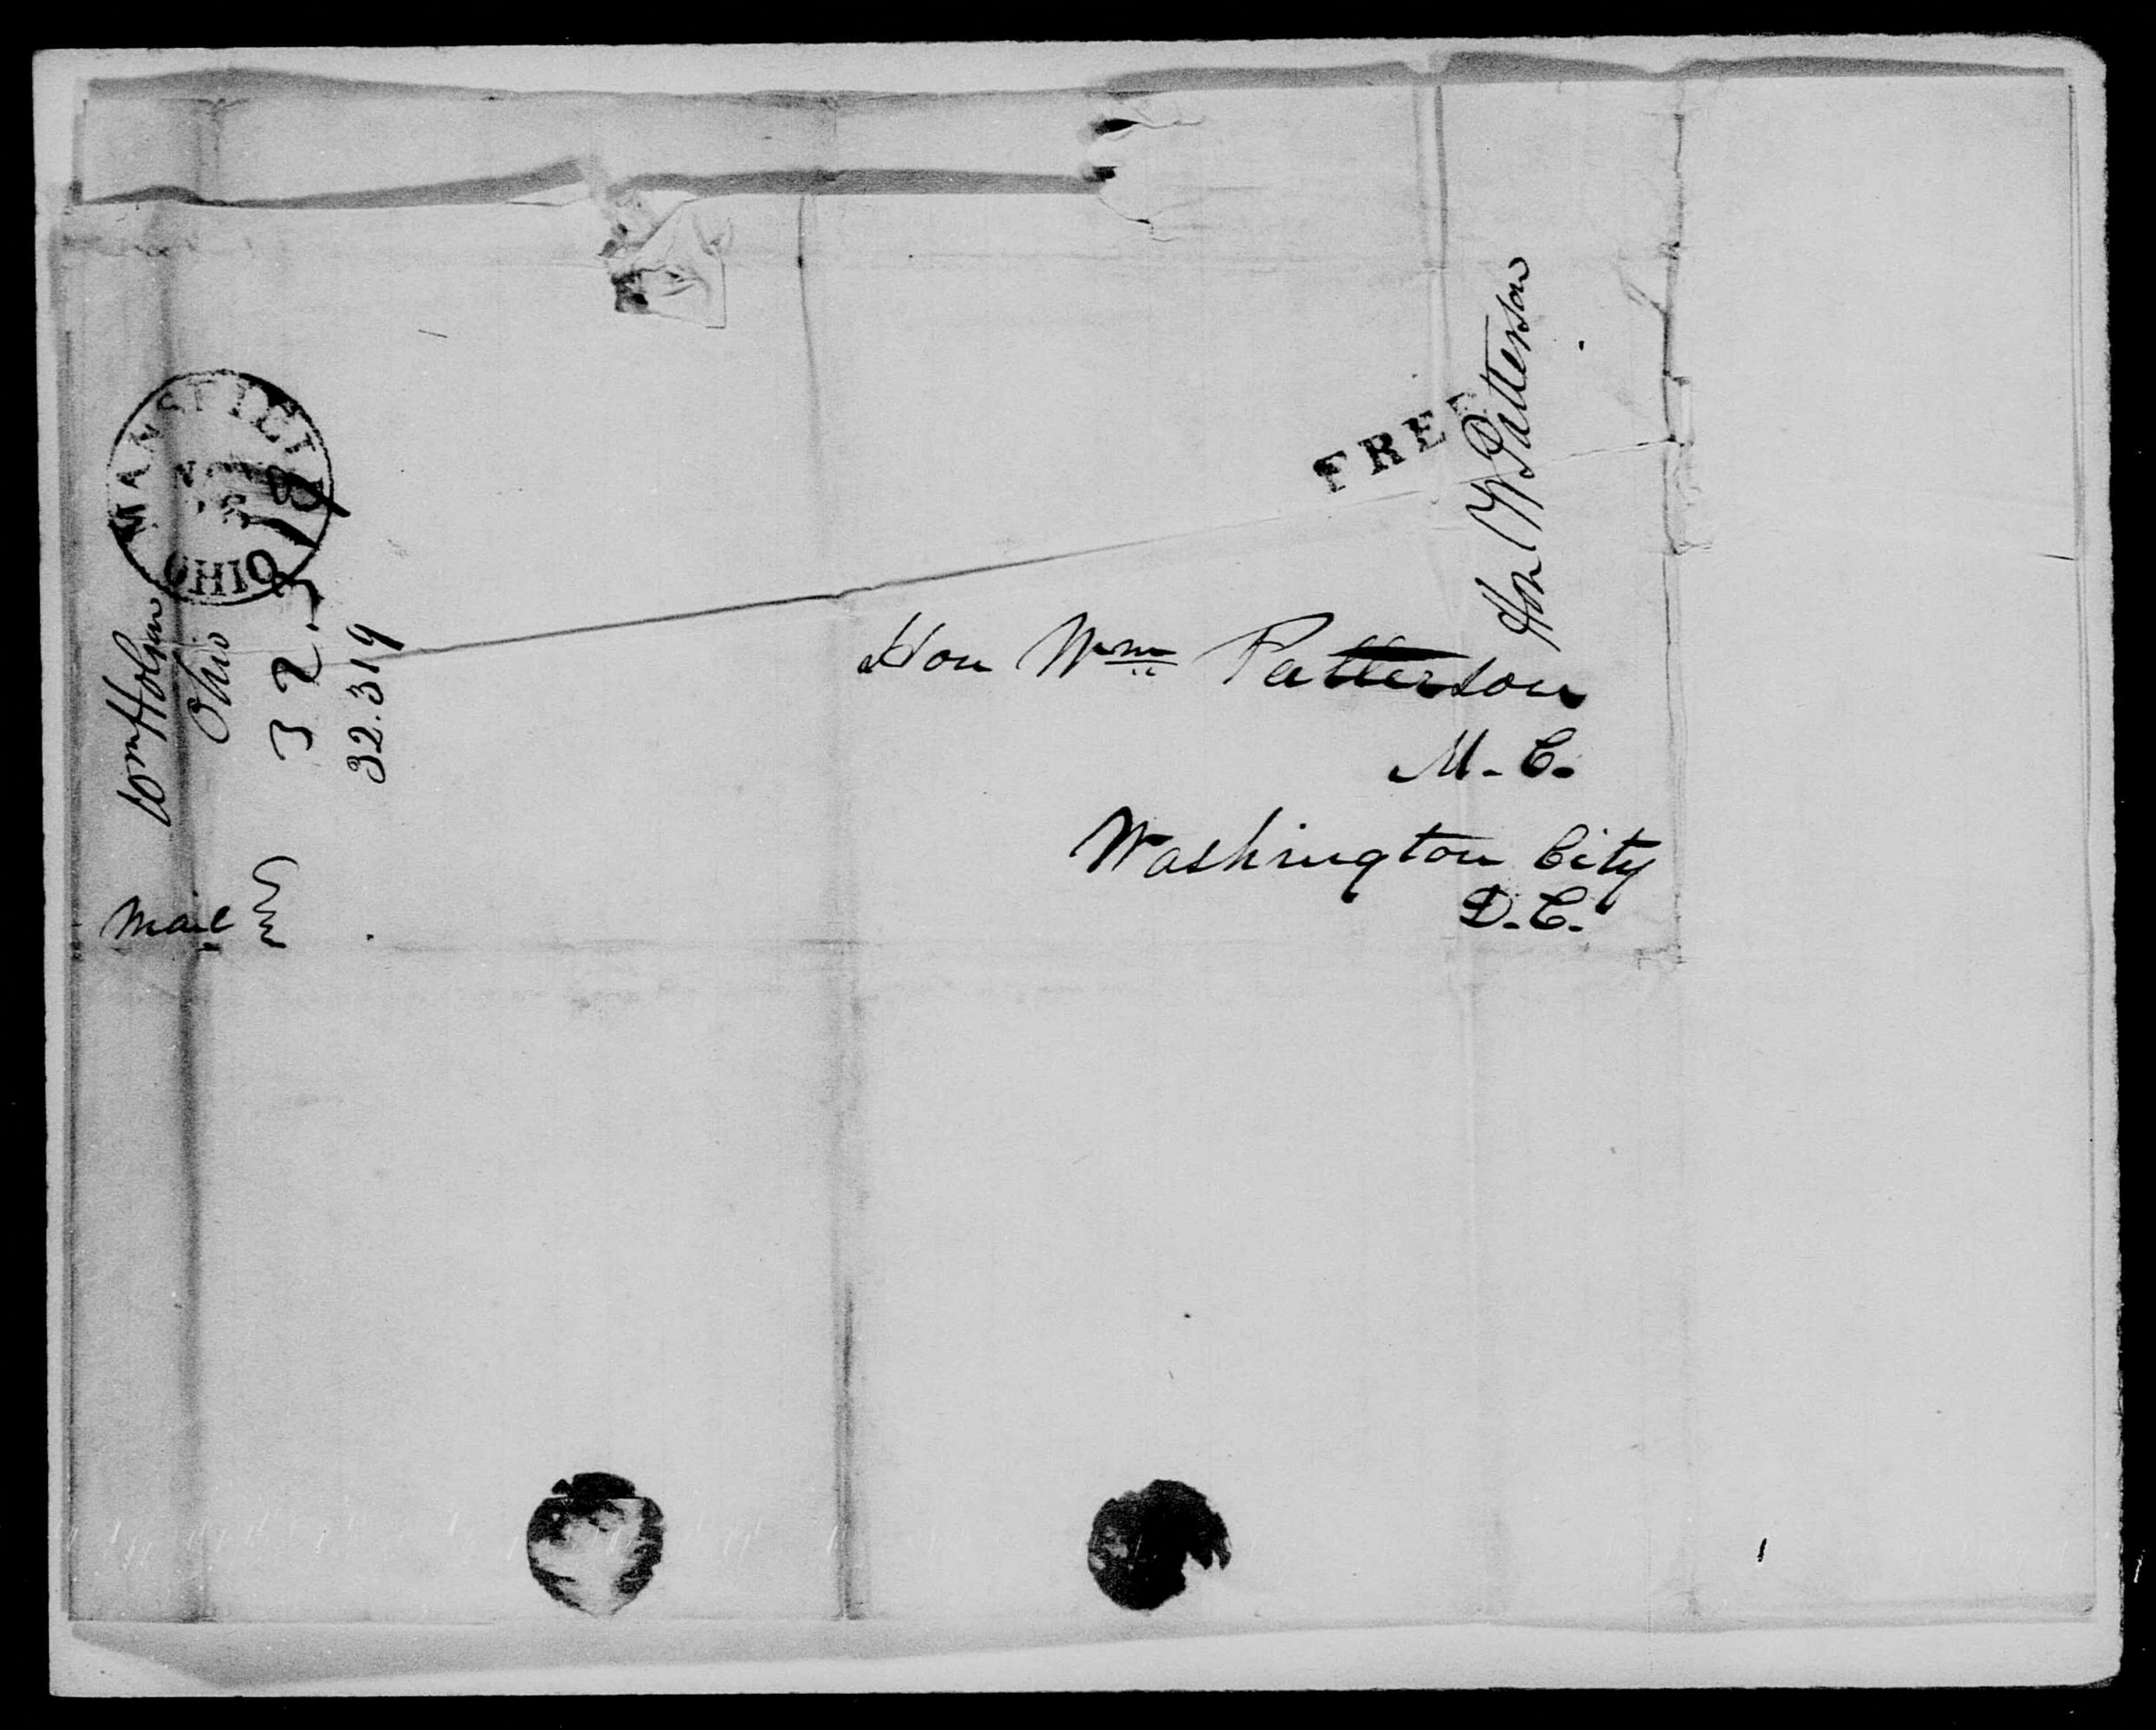[postal cancelation stamp] MANFIELD OHIO
Wm. Holson Ohio
[illegible] 32314

[sideways] Hon. Wm. Patterson
Hon Wm. Patterson, M.C.
Washington City 
D.C.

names: Wm Patterson, Wm Holson, W Patterson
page: 8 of 33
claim: survivor's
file: S. 9587, William Holson, Va.